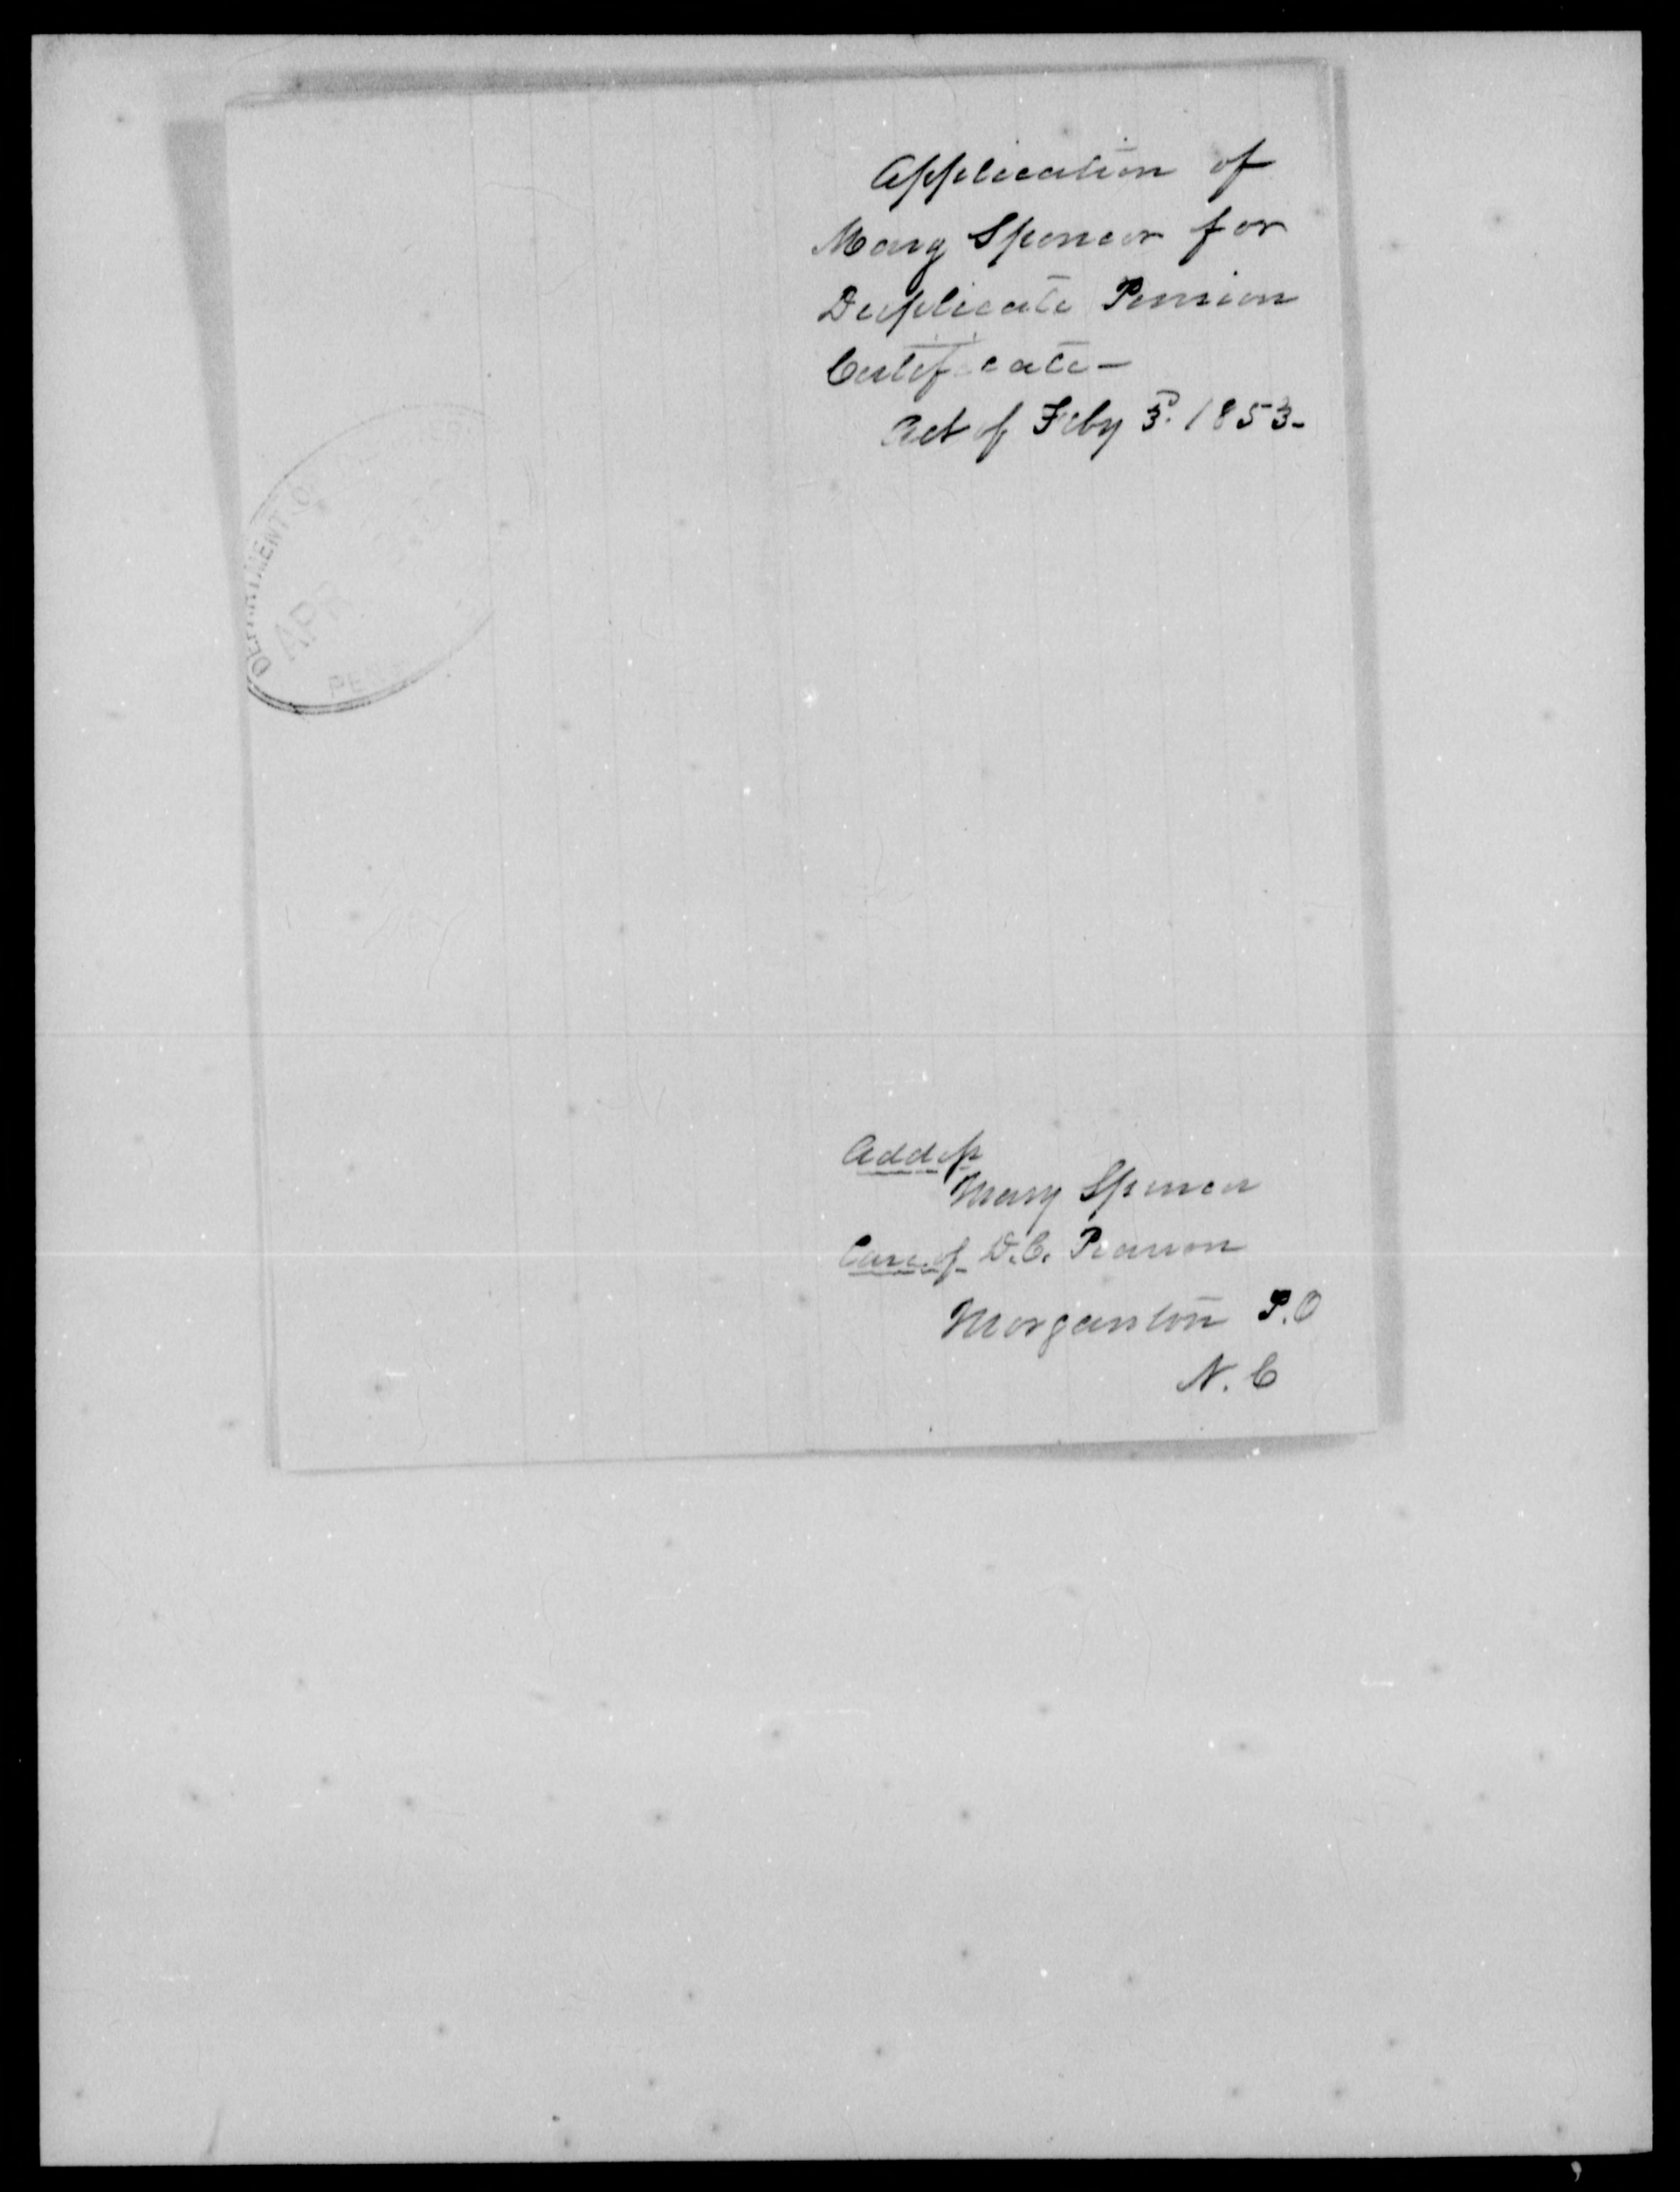application of
Mary Spencer for
Duplicate Pension
Certificate
act of Feby 3d 1853-
[illegible] Mary Spencer
Care of D.C. Pearson
Morgantown J. O.
N.C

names: Mary Spencer; D C Pearson; Mary Spencer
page: 45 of 63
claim: widow's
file: W. 6158, for Benjamin Spencer, North Carolina